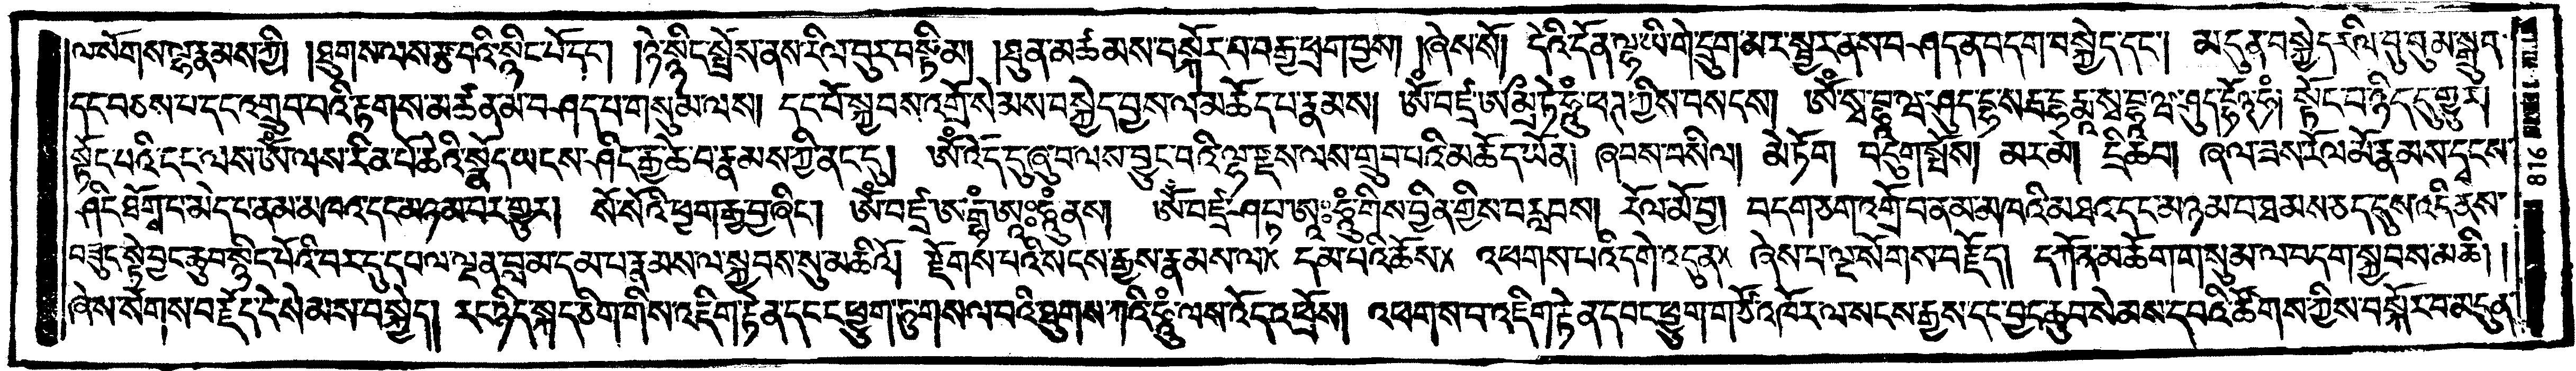ལ་སོགས་ལྷ་རྣམས་ཀྱི། །ཐུགས་ལས་རྩ་བའི་སྙིང་པོ་དང་། །ཉེ་སྙིང་སྤྲོས་ནས་རིལ་བུར་བསྟི་མ། །ཐུན་མཚམས་བསྐོར་པ་བརྒྱ་ཕྲག་བྱས། །ཞེས་སོ། དེའི་དོན་ལྷ་ཡི་གེ་དྲུག་མར་སྦྱར་ནས་བཤད་ན་བདག་བསྐྱེད་དང་། མདུན་བསྐྱེད་རིལ་བུ་བུམ་སྒྲུབ་
དང་བཅས་པ་དང་འགྲུབ་པའི་རྟགས་མཚན་མ་བཤད་པ་གསུམ་ལས། དང་པོ་སྐྱབས་འགྲོ་སེམས་བསྐྱེད་བྱས་ལ་མཆོད་པ་རྣམས། ཨོཾ་བཛྲ་ཨྀ་མྲ་ཏེ་ཧཱུཾ་ཕཊ་ཀྱིས་བསངས། ཨོཾ་སྭ་བྷཱ་ཝ་ཤུད་དྷ་སརྦ་དྷརྨཱ་སྭ་བྷཱ་ཝ་ཤུདྡྷོ་ཉ་ཧཾ། སྟོང་བ་ཉིད་དུ་གྱུར།
སྟོང་པའི་དང་ལས་ཨོཾ་ལས་རིན་པོ་ཆེའི་སྣོད་ཡངས་ཤིང་རྒྱ་ཆེ་བ་རྣམས་ཀྱི་ནང་དུ། ཨོཾ་འོད་དུ་ཞུ་བ་ལས་བྱུང་བའི་ལྷ་རྫས་ལས་གྲུབ་པའི་མཆོད་ཡོན། ཞབས་བསིལ། མེ་ཏོག་བདུག་སྤོས། མར་མེ། དྲི་ཆབ། ཞལ་ཟས་རོལ་མོ་རྣམས་དྭངས་
ཤིང་ཐོགས་པ་མེད་པ་ནམ་མཁའ་དང་མཉམ་པར་གྱུར། སོ་སོའི་ཕྱག་རྒྱ་བྱ་ཞིང་། ཨོཾ་བཛྲ་ཨརྒྷཾ་ཨཱཿཧཱུཾ་ནས། ཨོཾ་བཛྲ་ཤཔྟ་ཨཱཿཧཱུཾ་གིས་བྱིན་གྱིས་བརླབས། རོལ་མོ་བྱ། བདག་ཅག་འགྲོ་བ་ནམ་མཁའི་མཐའ་དང་མཉམ་པ་ཐམས་ཅད་དུས་འདི་ནས་
བཟུང་སྟེ་བྱང་ཆུབ་སྙིང་པོའི་བར་དུ་དཔལ་ལྡན་བླ་མ་དམ་པ་རྣམས་ལ་སྐྱབས་སུ་མཆིའོ། རྫོགས་པའི་སངས་རྒྱས་རྣམས་ལ་྾་དམ་པའི་ཆོས་྾་འཕགས་པའི་དགེ་འདུན་྾་ཞེས་པ་ལྔ་སོགས་བརྗོད། དཀོན་མཆོག་གསུམ་ལ་བདག་སྐྱབས་མཆི། །
ཞེས་སོགས་བརྗོད་དེ་སེམས་བསྐྱེད། རང་ཉིད་སྐད་ཅིག་གིས་འཇིག་རྟེན་དང་?་ཕྱུག་ཏུ་གསལ་བའི་ཐུགས་ཀའི་ཧཱུཾ་ལས་འོད་འཕྲོས། འཕགས་པ་འཇིག་རྟེན་དབང་ཕྱུག་གཙོ་འཁོར་ལ་སངས་རྒྱས་དང་བྱང་ཆུབ་སེམས་དཔའི་ཚོགས་ཀྱིས་བསྐོར་བ་མདུན་